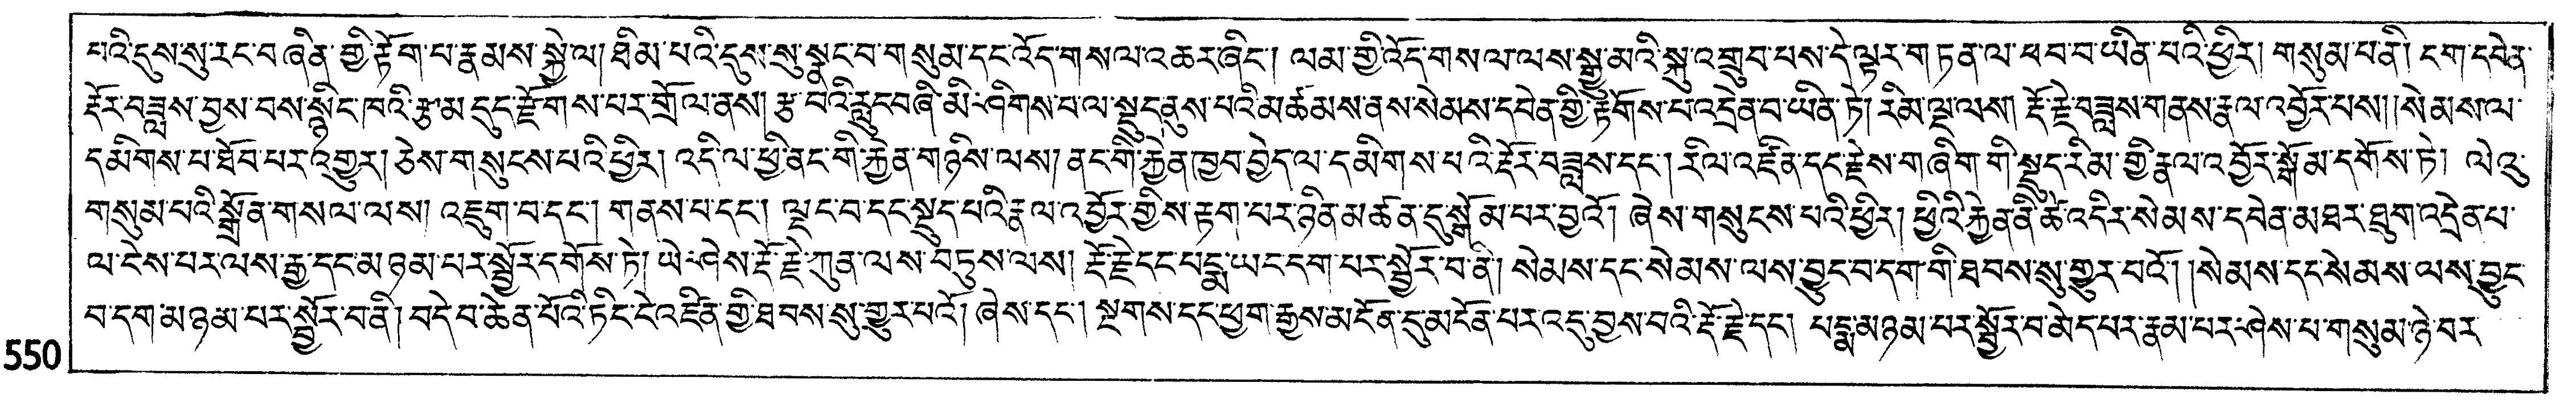པའི་དུས་སུ་རང་བཞིན་གྱི་རྟོག་པ་རྣམས་སྐྱེ་ལ། ཐིམ་པའི་དུས་སུ་སྣང་བ་གསུམ་དང་འོད་གསལ་འཆར་ཞིང་། ལམ་གྱི་འོད་གསལ་ལས་སྒྱུ་མའི་སྐུ་འགྲུབ་པས་དེ་ལྟར་གཏན་ལ་ཕབ་པ་ཡིན་པའི་ཕྱིར། གསུམ་པ་ནི། ངག་དབེན་
རྡོར་བཟླས་བྱས་པས་སྙིང་ཁའི་རྩ་མདུད་རྫོགས་པར་གྲོལ་ནས། རྩ་བའི་རླུང་བཞི་མི་ཤིགས་པ་ལ་སྡུད་ནུས་པའི་མཚམས་ནས་སེམས་དབེན་གྱི་རྟོགས་པ་འདྲེན་པ་ཡིན་ཏེ། རིམ་ལྔ་ལས། རྡོ་རྗེ་བཟླས་གནས་རྣལ་འབྱོར་པས། །སེམས་ལ་
དམིགས་པ་ཐོབ་པར་འགྱུར། ཅེས་གསུངས་པའི་ཕྱིར། འདི་ལ་ཕྱི་ནང་གི་རྐྱེན་གཉིས་ལས། ནང་གི་རྐྱེན་ཁྱབ་བྱེད་ལ་དམིགས་པའི་རྡོར་བཟླས་དང་། རིལ་འཛིན་དང་རྗེས་གཞིག་གི་སྡུད་རིམ་གྱི་རྣལ་འབྱོར་སྒོམ་དགོས་ཏེ། ལེའུ་
གསུམ་པའི་སྒྲོན་གསལ་ལས། འཇུག་པ་དང་། གནས་པ་དང་། ལྡང་བ་དང་སྡུད་པའི་རྣལ་འབྱོར་གྱིས་རྟག་པར་ཉིན་མཚན་དུ་སྒོམ་པར་བྱའོ། ཞེས་གསུངས་པའི་ཕྱིར། ཕྱིའི་རྐྱེན་ནི་ཚེ་འདིར་སེམས་དབེན་མཐར་ཐུག་འདྲེན་པ་
ལ་ངེས་པར་ལས་རྒྱ་དང་མཉམ་པར་སྦྱོར་དགོས་ཏེ། ཡེ་ཤེས་རྡོ་རྗེ་ཀུན་ལས་བཏུས་ལས། རྡོ་རྗེ་དང་པདམ་ཡང་དག་པར་སྦྱོར་བ་ནི། སེམས་དང་སེམས་ལས་བྱུང་བ་དག་གི་ཐབས་སུ་གྱུར་བའོ། །སེམས་དང་སེམས་ལས་བྱུང་
བ་དག་མཉམ་པར་སྦྱོར་བ་ནི། བདེ་བ་ཆེན་པོའི་ཏིང་ངེ་འཛིན་གྱི་ཐབས་སུ་གྱུར་པའོ། ཞེས་དང་། སྔགས་དང་ཕྱག་རྒྱས་མངོན་དུ་མངོན་པར་འདུ་བྱས་པའི་རྡོ་རྗེ་དང་། པདམ་མཉམ་པར་སྦྱོར་བ་མེད་པར་རྣམ་པར་ཤེས་པ་གསུམ་ཉེ་བར་